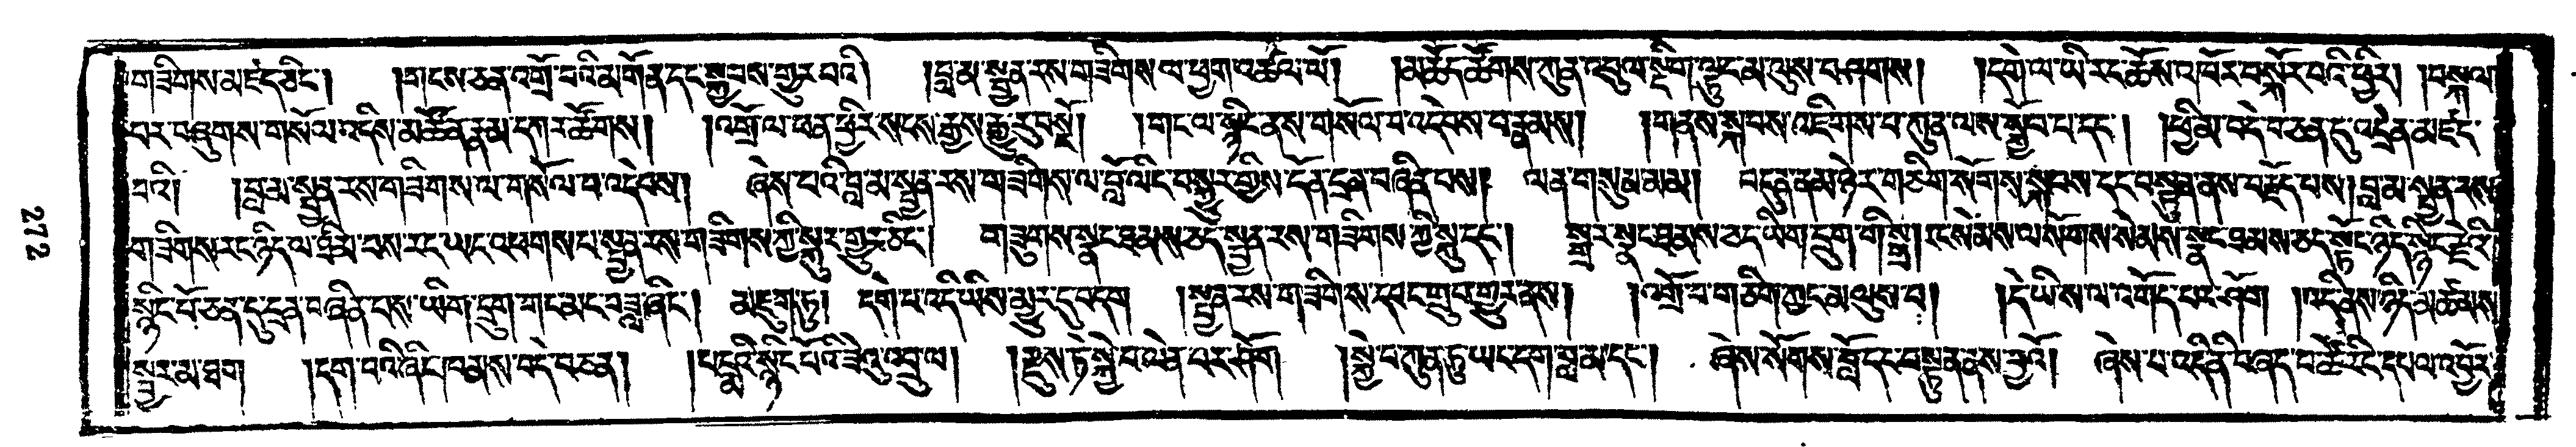གཟིགས་མཛད་ཅིང་། །གངས་ཅན་འགྲོ་བའི་མགོན་དང་སྐྱབས་གྱུར་བའི། །བླ་མ་སྤྱན་རས་གཟིགས་ལ་ཕྱག་འཚལ་ལོ། །མཆོད་ཚོགས་ཀུན་འབུལ་སྡིག་ལྟུང་མ་ལུས་བཤགས། །དགེ་ལ་ཡི་རང་ཆོས་འཁོར་བསྐོར་བའི་ཕྱིར། །བསྐལ་
བར་བཞུགས་གསོལ་འདིས་མཚོན་རྣམ་དཀར་ཚོགས། །འགྲོ་ལ་ཕན་ཕྱིར་སངས་རྒྱས་རྒྱུ་རུ་བསྔོ། །གང་ལ་སྙིང་ནས་གསོལ་བ་འདེབས་བ་རྣམས། །གནས་སྐབས་འཇིགས་པ་ཀུན་ལས་སྐྱོབ་པ་དང་། །ཕྱི་མ་བདེ་བ་ཅན་དུ་འདྲེན་མཛད་
པའི། །བླ་མ་སྤྱན་རས་གཟིགས་ལ་གསོལ་བ་འདེབས། ཞེས་པའི་བླ་མ་སྤྱན་རས་གཟིགས་ལ་བློ་ལིང་བསྐྱུར་གྱིས་དོན་དྲན་བཞིན་པས། ལན་གསུམ་མམ། བདུན་ནམ་ཉེར་གཅིག་སོགས་སྐབས་དང་བསྟུན་ནས་བརྗོད་པས། བླ་མ་སྤྱན་རས་
གཟིགས་རང་ཉིད་ལ་ཐིམ་པས་རང་ཡང་འཕགས་པ་སྤྱན་རས་གཟིགས་ཀྱི་སྐུར་གྱུར་ཅིང་། གཟུགས་སྣང་ཐམས་ཅད་སྤྱན་རས་གཟིགས་ཀྱི་སྐུ་དང་། སྒྲར་སྣང་ཐམས་ཅད་ཡིག་དྲུག་གི་སྒྲ། རང་སེམས་ལ་སོགས་སེམས་སྣང་ཐམས་ཅད་སྟོང་ཉིད་སྙིང་རྗེའི་
སྙིང་པོ་ཅན་དུ་དྲན་བཞིན་པས་ཡིག་དྲུག་གང་མང་བཟླ་ཞིང་། མཇུག་ཏུ། དགེ་པ་འདི་ཡིས་མྱུར་དུ་བདག །སྤྱན་རས་གཟིགས་དབང་གྲུབ་གྱུར་ནས། །འགྲོ་བ་གཅིག་ཀྱང་མ་ལུས་པ། །དེ་ཡི་ས་ལ་འགོད་པར་ཤོག། །འདི་ནས་ཉིད་མཚམས་
སྦྱར་མ་ཐག །དག་པའི་ཞིང་ཁམས་བདེ་བ་ཅན། །པདམའི་སྙིང་པོའི་ཟེའུ་འབྲུ་ལ། །རྫུས་ཏེ་སྐྱེ་བ་ལེན་པར་ཤོག །སྐྱེ་བ་ཀུན་ཏུ་ཡང་དག་བླ་མ་དང་། ཞེས་སོགས་བློ་དང་བསྟུན་ནས་བྱའོ། །ཞེས་པ་འདི་ནི་བཞད་པ་ཚེ་རིང་དཔལ་འབྱོར་